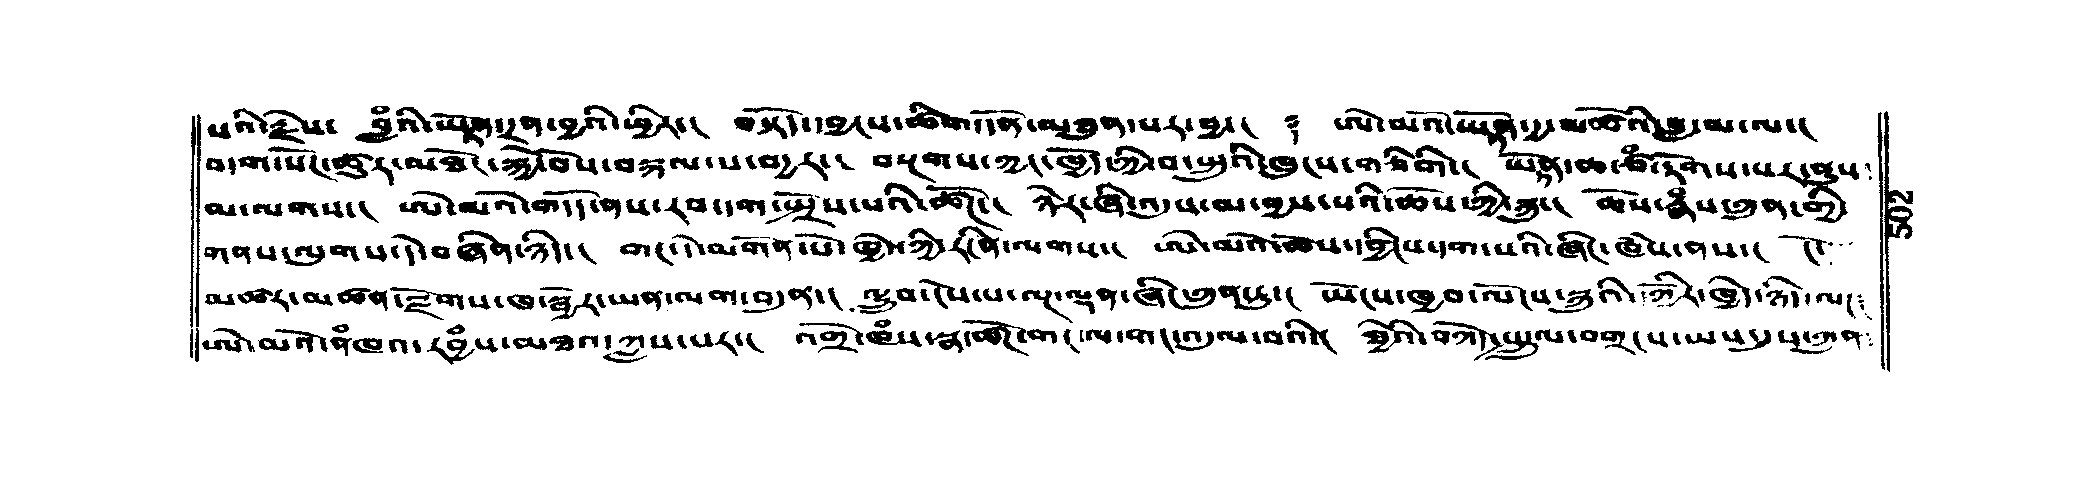པའི་རྗེས། །བླ་མའིལ་ཡོན་ཏན་དྲན་བྱའི་ཕྱིར། །བསྟོད་དབྱངས་ཚིག་དོན་མཐུན་པར་བྱ། ། ༈ ཨེ་མའོ་ཡོན་ཏན་རྒྱ་མཚོའི་བླ་མ་ལ། །
བདག་སོགས་ཚུར་མཐོང་སྐྱེ་བོས་བསྐལ་བ་བརྒྱར། །བསྔགས་ཀྱང་ཁྱོད་ཀྱི་བ་སྤུའི་ཁུངས་གཅིག་གི་།ཡོན་ཏན་ཆ་ཙམ་རྟོགས་པར་ནུས་
མ་ལགས། །ཨེ་མའོ་གདོད་ནས་རབ་དག་སྤྲོས་པའི་ཚོགས། །ཉེར་ཞི་འདུས་མ་བྱས་པའི་ཆོས་ཀྱི་སྐུ་།ཆོས་རྣམས་ཀུན་གྱི་
གནས་ལུགས་དེ་བཞིན་ཉིད། །གང་དེ་མགོན་པོ་ཁྱོད་ཀྱི་རང་བཞིན་ལགས། །ཨེ་མའོ་ཆོས་དབྱིངས་དག་པའི་ཞིང་ཁམས་ནས། །ངོ་
མཚར་མཚན་རྫོགས་ཁ་སྦྱོར་ཡན་ལག་བདུན། །ལྷུན་གྲུབ་ངེས་པ་ལྔ་ལྡན་ཞིང་ཀུན་ཏུ། །ཡོངས་ཁྱབ་ལོངས་སྐུའི་དཀྱིལ་འཁོར་ཁྱོད་ཉིད་ལགས། །
ཨེ་མའོ་ནམ་མཁའི་རབ་འབྱམས་མཐའ་ཀླས་པར། །འགྲོ་ཁམས་སྣ་ཚོགས་གང་ལ་གང་འདུལ་བའི། །ཐུགས་བཀོད་སྤྲུལ་བགྲངས་ཡས་དུས་ཀུན་